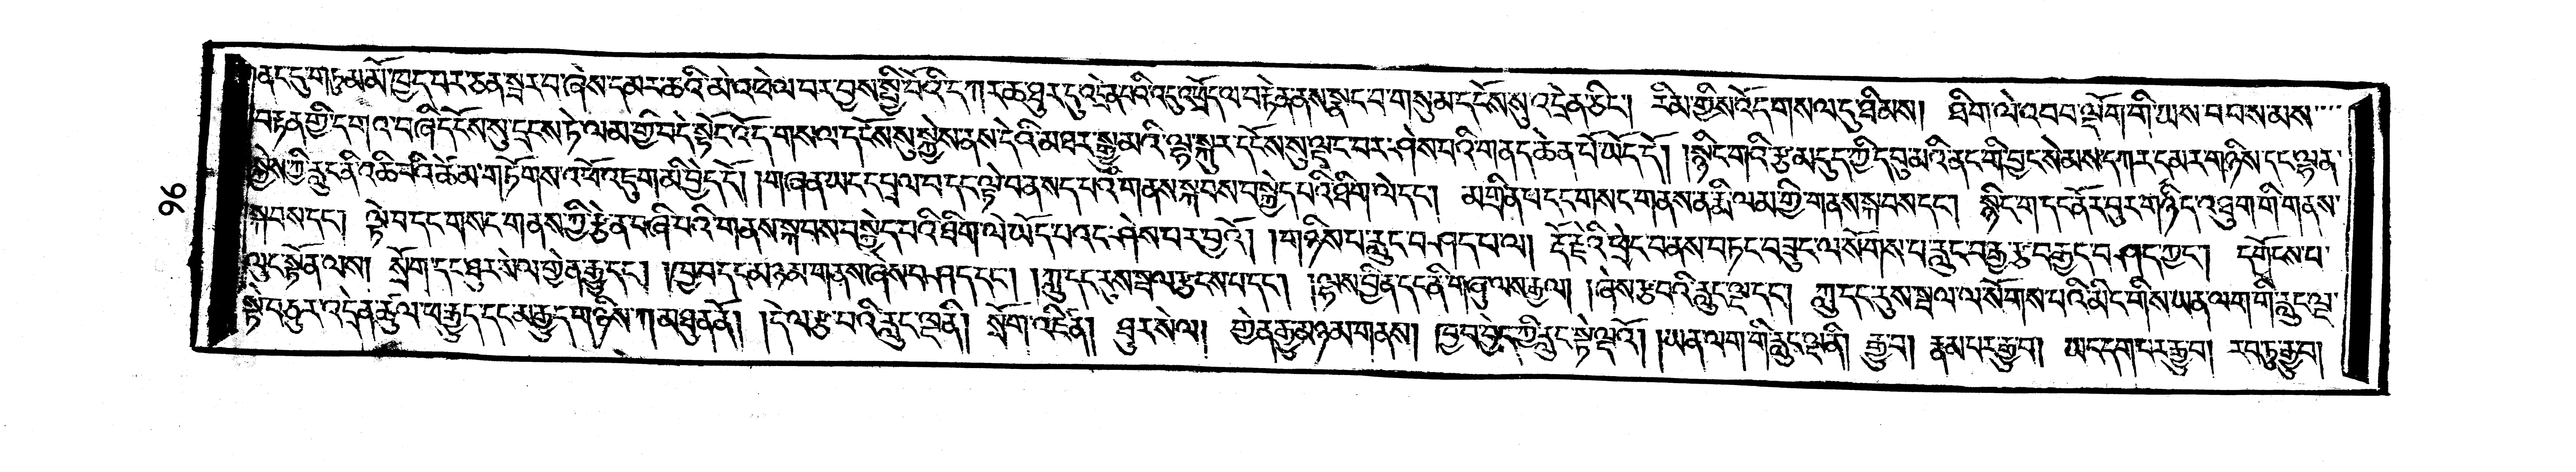ནང་དུ་གཏུམ་མོ་ཁྱད་པར་ཅན་སྦར་བ་ཞེས་དམར་ཆའི་མེ་འཕེལ་བར་བྱས། སྤྱི་བོའི་དཀར་ཆ་ཐུར་དུ་འདྲེན་པའི་འདུ་འཕྲོད་ལ་བརྟེན་ནས་སྣང་བ་གསུམ་དངོས་སུ་འདྲེན་ཅིང་། རིམ་གྱིས་འོད་གསལ་དུ་ཐིམས། ཐིག་ལེ་འབབ་ལྡོག་གི་ཡས་བབས་མས་
བརྟན་གྱི་དགའ་བཞི་དངོས་སུ་དྲངས་ཏེ་ལམ་གྱི་བདེ་སྟོང་འོད་གསལ་དངོས་སུ་སྐྱེས་ནས་དེའི་མཐར་སྒྱུ་མའི་ལྷ་སྐུར་དངོས་སུ་ལྡང་བར་ཤེས་པའི་གནད་ཆེན་པོ་ཡོད་དོ། །སྙིང་གའི་རྩ་མདུད་ཀྱི་དབུ་མའི་ནང་གི་བྱང་སེམས་དཀར་དམར་གཉིས་དང་ལྷན་
སྐྱེས་ཀྱི་རླུང་ནི་འཆི་བའི་ཚེམ་གཏོགས་འཕོ་འཇུག་མི་བྱེད་དོ། །གཞན་ཡང་དཔྲལ་བ་དང་ལྟེ་བ་ན་སད་པའི་གནས་སྐབས་བསྐྱེད་པའི་ཐིག་ལེ་དང་། མགྲིན་པ་དང་གསང་གནས་ན་རྨི་ལམ་གྱི་གནས་སྐབས་དང་། སྙིང་ག་དང་ནོར་བུར་གཉིད་འཐུག་གི་གནས་
སྐབས་དང་། ལྟེ་བ་དང་གསང་གནས་ཀྱི་རྩེན་བཞི་པའི་གནས་སྐབས་བསྐྱེད་པའི་ཐིག་ལེ་ཡོད་པའང་ཤེས་པར་བྱའོ། །གཉིས་པ་རླུང་བཤད་པ་ལ། རྡོ་རྗེའི་ཕྲེང་བ་ནས་བཏང་བཟུང་ལ་སོགས་པ་རླུང་བརྒྱ་རྩ་བརྒྱད་བཤད་ཀྱང་། དགོངས་པ་
ལུང་སྟོན་ལས། སྲོག་དང་ཐུར་སེལ་གྱེན་རྒྱུ་དང་། །ཁྱབ་དང་མཉམ་གནས་ཞེས་བཤད་དང་། །ཀླུ་དང་རུས་སྦལ་རྩངས་པ་དང་། །ལྷས་བྱིན་དང་ནི་གཞུ་ལས་རྒྱལ། །ཞེས་རྩ་བའི་རླུང་ལྔ་དང་། ཀླུ་དང་རུས་སྦལ་ལ་སོགས་པའི་མིང་གིས་ཡན་ལག་གི་རླུང་ལྔ་
སྟེ་བཅུར་འདྲེན་ཚུལ་ཕ་རྒྱུད་དང་མ་རྒྱུད་གཉིས་ཀ་མཐུན་ནོ། །དེ་ལ་རྩ་བའི་རླུང་ལྔ་ནི། སྲོག་འཛིན། ཐུར་སེལ། གྱེན་རྒྱུ། མཉམ་གནས། ཁྱབ་བྱེད་ཀྱི་རླུང་སྟེ་ལྔའོ། །ཡན་ལག་གི་རླུང་ལྔ་ནི། རྒྱུ་བ། རྣམ་པར་རྒྱུ་བ། ཡང་དག་པར་རྒྱུ་བ། རབ་ཏུ་རྒྱུ་བ།